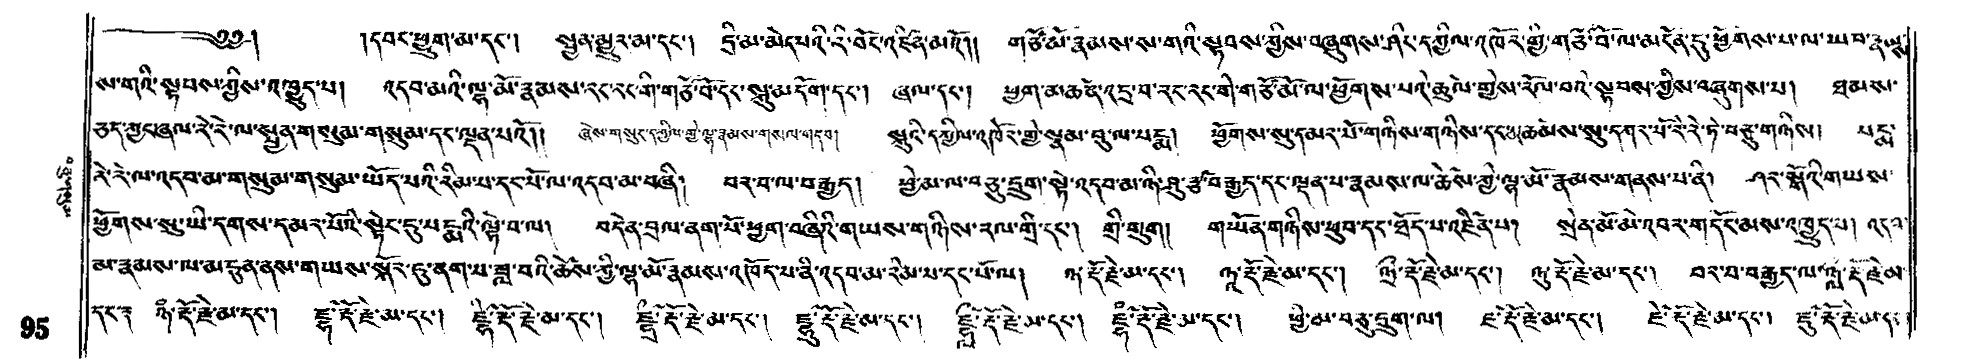༄༅། །དབང་ཕྱུག་མ་དང་། སྤྱན་མྱུར་མ་དང་། དྲི་མ་མེད་པའི་རི་བོང་འཛིན་མའོ།། གཙོ་མོ་རྣམས་ས་གའི་སྟབས་ཀྱིས་བཞུགས་ཤིང་དཀྱིལ་འཁོར་གྱི་གཙོ་བོ་ལ་མངོན་དུ་ཕྱོགས་པ་ལ་ཡབ་རྣམས་
ས་གའི་སྟབས་ཀྱིས་འཁྱུད་པ། འདབ་མའི་ལྷ་མོ་རྣམས་རང་རང་གི་གཙོ་བོ་དང་སྐུ་མདོག་དང་། ཞལ་དང་། ཕྱག་མཚན་འདྲ་བ་རང་རང་གི་གཙོ་མོ་ལ་ཕྱོགས་པའི་ཚུལ་གྱིས་རོལ་བའི་སྟབས་ཀྱིས་བཞུགས་པ། ཐམས་
ཅད་ཀྱང་ཞལ་རེ་རེ་ལ་སྤྱན་གསུམ་གསུམ་དང་ལྡན་པའོ།། ཞེས་གསུང་དཀྱིལ་གྱི་ལྷ་རྣམས་གསལ་གདབ།  སྐུའི་དཀྱིལ་འཁོར་གྱི་སྣམ་བུ་ལ་པདམ། ཕྱོགས་སུ་དམར་པོ་གཉིས་གཉིས་དང་མཚམས་སུ་དཀར་པོ་རེ་རེ་ཏེ་བཅུ་གཉིས། པདམ་
རེ་རེ་ལ་འདབ་མ་གསུམ་གསུམ་ཡོད་པའི་རིམ་པ་དང་པོ་ལ་འདབ་མ་བཞི། བར་བ་ལ་བརྒྱད། ཕྱི་མ་ལ་བཅུ་དྲུག་སྟེ་འདབ་མ་ཉི་ཤུ་རྩ་བརྒྱད་དང་ལྡན་པ་རྣམས་ལ་ཚེས་ཀྱི་ལྷ་མོ་རྣམས་གནས་པ་ནི། ཤར་སྒོའི་གཡས་
ཕྱོགས་སུ་ཡི་དགས་དམར་པོའི་སྟེང་དུ་པདམའི་ལྟེ་བ་ལ། བདེན་བྲལ་ནག་པོ་ཕྱག་བཞིའི་གཡས་གཉིས་རལ་གྲི་དང་། གྲི་གུག། གཡོན་གཉིས་ཕུབ་དང་ཐོད་པ་འཛིན་པ། སྲིན་མོ་མེ་འབར་གདོང་མས་འཁྱུད་པ། འདབ་
མ་རྣམས་ལ་མདུན་ནས་གཡས་སྐོར་དུ་ནག་པ་ཟླ་བའི་ཚེས་ཀྱི་ལྷ་མོ་རྣམས་འཁོད་པ་ནི་འདབ་མ་རིམ་པ་དང་པོ་ལ། ཉ་རྡོ་རྗེ་མ་དང་། ཉཱ་རྡོ་རྗེ་མ་དང་། ཉྲྀ་རྡོ་རྗེ་མ་དང་། ཉུ་རྡོ་རྗེ་མ་དང་། བར་བ་བརྒྱད་ལ་ཉླྀ་རྡོ་རྗེ་མ་
དང༑ ཉཾ་རྡོ་རྗེ་མ་དང་། ཛྷ་རྡོ་རྗེ་མ་དང་། ཛྷི་རྡོ་རྗེ་མ་དང་། ཛྷྲྀ་རྡོ་རྗེ་མ་དང་། ཛྷུ་རྡོ་རྗེ་མ་དང་། ཛྷླྀ་རྡོ་རྗེ་མ་དང་། ཛྷཾ་རྡོ་རྗེ་མ་དང་། ཕྱི་མ་བཅུ་དྲུག་ལ། ཛ་རྡོ་རྗེ་མ་དང་། ཛེ་རྡོ་རྗེ་མ་དང་། ཛུ་རྡོ་རྗེ་མ་དང་